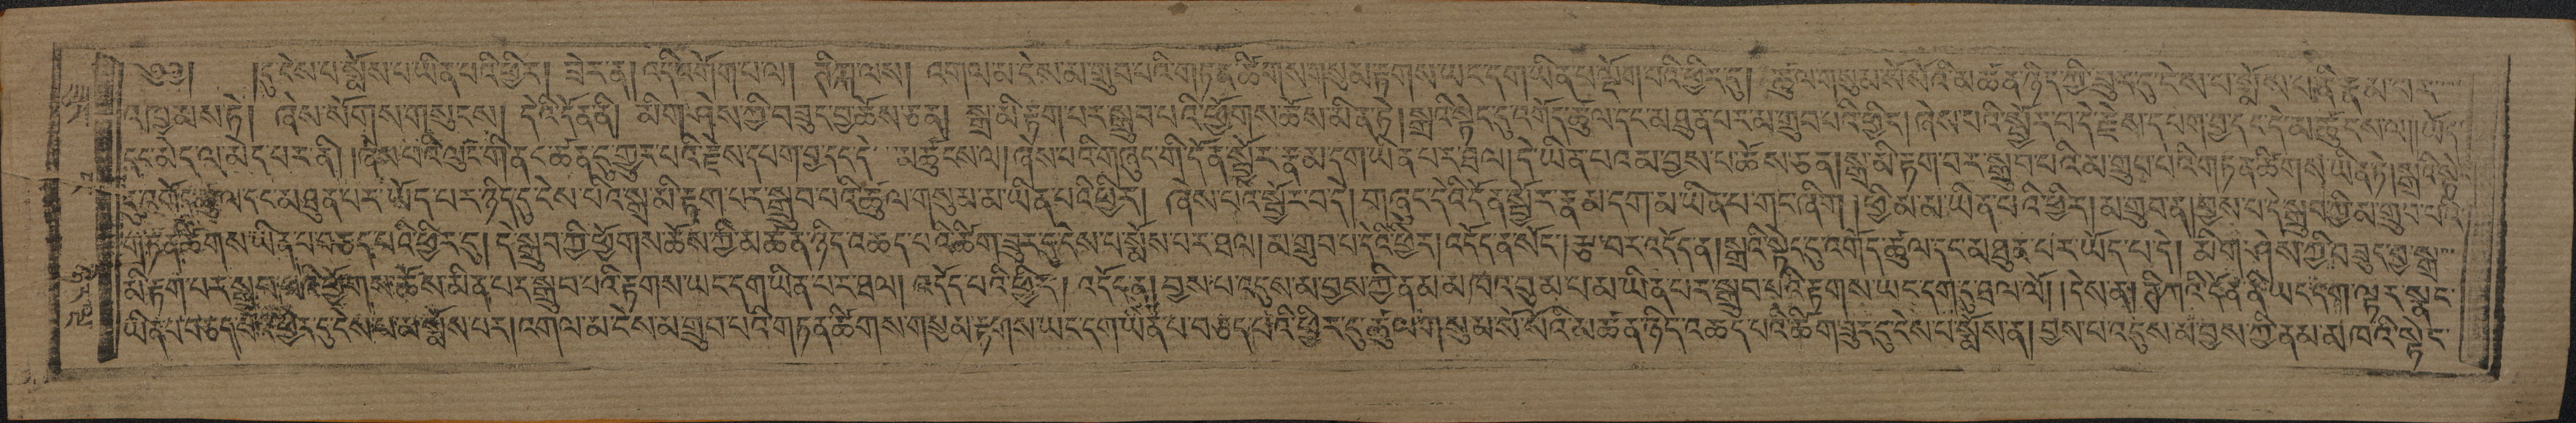༄༅། །དུ་ངེས་པ་སྨོས་པ་ཡིན་པའི་ཕྱིར། ཟེར་ན། འདི་འགོག་པ་ལ། ཊིཀྐ་ལས། འགལ་མ་ངེས་མ་གྲུབ་པའི་གཏན་ཚིགས་གསུམ་རྟགས་ཡང་དག་ཡིན་པ་ལྡོག་པའི་ཕྱིར་དུ། ཚུལ་གསུམ་སོ་སོའི་མཚན་ཉིད་ཀྱི་ཟུར་དུ་ངེས་པ་སྨོས་པ་ནི་རྣམ་པར་
འཁྱམས་ཏེ། ཞེས་སོགས་གསུངས། དེའི་དོན་ནི། མིག་ཤེས་ཀྱི་བཟུང་བྱ་ཆོས་ཅན། སྒྲ་མི་རྟག་པར་སྒྲུབ་པའི་ཕྱོགས་ཆོས་མིན་ཏེ། སྒྲའི་སྟེང་དུ་འགོད་ཚུལ་དང་མཐུན་པར་མ་གྲུབ་པའི་ཕྱིར། ཞེས་པའི་སྦྱོར་པ་དེ་རྗེས་དཔག་བྱ་དང་དེ་མཚུངས་ལ། །ཡོད་
དང་མེད་ལ་མེད་པར་ནི། །ཞེས་པའི་ལུང་གི་ནང་ཚན་དུ་གྱུར་པའི་རྗེས་དཔག་བྱ་དང་དེ་མཚུངས་ལ། ཞེས་པའི་གཞུང་གི་དོན་སྦྱོར་རྣམ་དག་ཡིན་པར་ཐལ། དེ་ཡིན་པའམ་བྱས་པ་ཆོས་ཅན། སྒྲ་མི་རྟག་པར་སྒྲུབ་པའི་མ་གྲུབ་པའི་གཏན་ཚིགས་ཡིན་ཏེ། སྒྲའི་སྟེང་
དུ་འགོད་ཚུལ་དང་མཐུན་པར་ཡོད་པར་ཉིད་དུ་ངེས་པའི་སྒྲ་མི་རྟག་པར་སྒྲུབ་པའི་ཚུལ་གསུམ་མ་ཡིན་པའི་ཕྱིར། ཞེས་པའི་སྦྱོར་བ་དེ། གཞུང་དེའི་དོན་སྦྱོར་རྣམ་དག་མ་ཡིན་པ་གང་ཞིག །ཕྱི་མ་མ་ཡིན་པའི་ཕྱིར། མ་གྲུབ་ན། བྱས་པ་དེ་སྒྲུབ་ཀྱི་མ་གྲུབ་པའི་
གཏན་ཚིགས་ཡིན་པ་བཅད་པའི་ཕྱིར་དུ། དེ་སྒྲུབ་ཀྱི་ཕྱོགས་ཆོས་ཀྱི་མཚན་ཉིད་འཆད་པའི་ཚིག་ཟུར་དུ་ངེས་པ་སྨོས་པར་ཐལ། མ་གྲུབ་པ་དེའི་ཕྱིར། འདོད་ན་སོང་། རྩ་བར་འདོད་ན། སྒྲའི་སྟེང་དུ་འགོད་ཚུལ་དང་མཐུན་པར་ཡོད་པ་དེ། མིག་ཤེས་ཀྱི་བཟུང་བྱ་སྒྲ་
མི་རྟག་པར་སྒྲུབ་པའི་ཕྱོགས་ཆོས་མིན་པར་སྒྲུབ་པའི་རྟགས་ཡང་དག་ཡིན་པར་ཐལ། འདོད་པའི་ཕྱིར། འདོད་ན། བྱས་པ་འདུས་མ་བྱས་ཀྱི་ནམ་མཁའ་བུམ་པ་མ་ཡིན་པར་སྒྲུབ་པའི་རྟགས་ཡང་དག་དུ་ཐལ་ལོ། །དེས་ན། ཊིཀའི་དོན་ནི་ཡང་དག་ལྟར་སྣང་
ཡིན་པ་བཅད་པའི་ཕྱིར་དུ་ངེས་པ་མ་སྨོས་པར། འགལ་མ་ངེས་མ་གྲུབ་པའི་གཏན་ཚིགས་གསུམ་རྟགས་ཡང་དག་ཡིན་པ་བཅད་པའི་ཕྱིར་དུ་ཚུལ་གསུམ་སོ་སོའི་མཚན་ཉིད་འཆད་པའི་ཚིག་ཟུར་དུ་ངེས་པ་སྨོས་ན། བྱས་པ་འདུས་མ་བྱས་ཀྱི་ནམ་མཁའི་སྟེང་